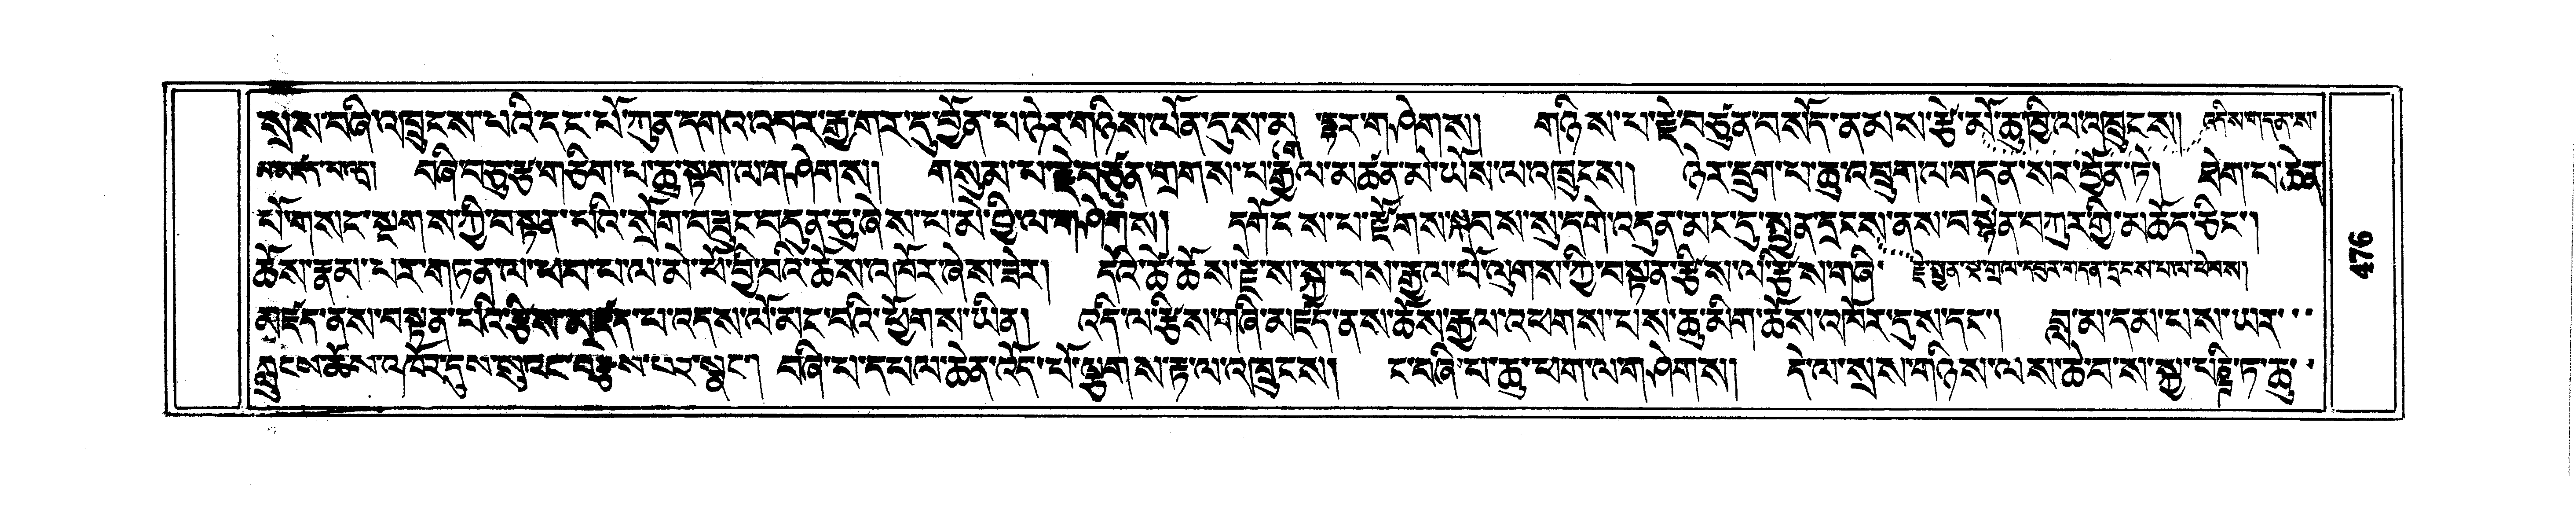སྲས་བཞི་འཁྲུངས་པའི་དང་པོ་ཀུན་དགའ་འབར་རྒྱ་གར་དུ་བྱོན་པ་ཉེར་གཉིས་ལོན་དུས་མག་དྷར་གཤེག་ས། གཉིས་པ་རྗེ་བཙུན་བསོད་ནམས་རྩེ་མོ་ཆུ་ཁྱི་ལ་འཁྲུངས། འདིས་གདན་ས་
མ་མཛད་པ་འདྲ། བཞི་བཅུ་རྩ་གཅིག་པ་ཆུ་སྟག་ལ་གཤེགས། གསུམ་པ་རྗེ་བཙུན་གྲགས་པ་རྒྱལ་མཚན་མེ་ཡོས་ལ་འཁྲུངས། ཉེར་དྲུག་པ་ཆུ་འབྲུག་ལ་གདན་སར་བྱོན་ཏེ། ཐེག་པ་ཆེན་
པོ་གསང་སྔགས་ཀྱི་བསྟན་པའི་སྲོག་བཟུང་བདུན་ཅུ་ཞེས་པ་མེ་བྱི་ལ་གཤེགས། དགོངས་པ་རྫོགས་སྐབས་སུ་དགེ་འདུན་མང་དུ་སྤྱན་དྲངས་ནས་བསྙེན་བཀུར་གྱི་མཆོད་ཅིང་།
ཆོས་རྣམ་པར་གཏན་ལ་ཕབ་པ་ལ་མེ་ཕོ་བྱི་བའི་ཆོས་འཁོར་ཞེས་ཟེར། དེའི་ཚེ་ཆོས་རྗེ་ས་སྐྱ་པས་རྒྱལ་པོ་ལུགས་ཀྱི་བསྟན་རྩིས་ལ་རྩིས་གཞི་རྗེ་སྤྱན་སྔ་གྲལ་དབུར་གདན་དྲངས་པ་ལ་ཕེབས།
མཛད་ནས་བསྟན་པའི་རྩིས་མཛད་པ་འདས་ལོ་མང་བའི་ཕྱོགས་ཡིན། འདི་ལ་རྩིས་གཞི་མཛད་ནས་ཆོས་རྒྱལ་འཕགས་པས་ཆུ་མིག་ཆོས་འཁོར་དུས་དང་། བླ་མ་དམ་པས་ཡར་
ཀླུངས་ཆོས་འཁོར་དུས་སུའང་བརྩེས་པར་སྣང་། བཞི་པ་དཔལ་ཆེན་འོད་པོ་ལྕགས་རྟ་ལ་འཁྲུངས། ང་བཞི་པ་ཆུ་ཕག་ལ་གཤེགས། དེ་ལ་སྲས་གཉིས་ལས་ཆེ་བ་ས་སྐྱ་པཎྚི་ཏ་ཆུ་